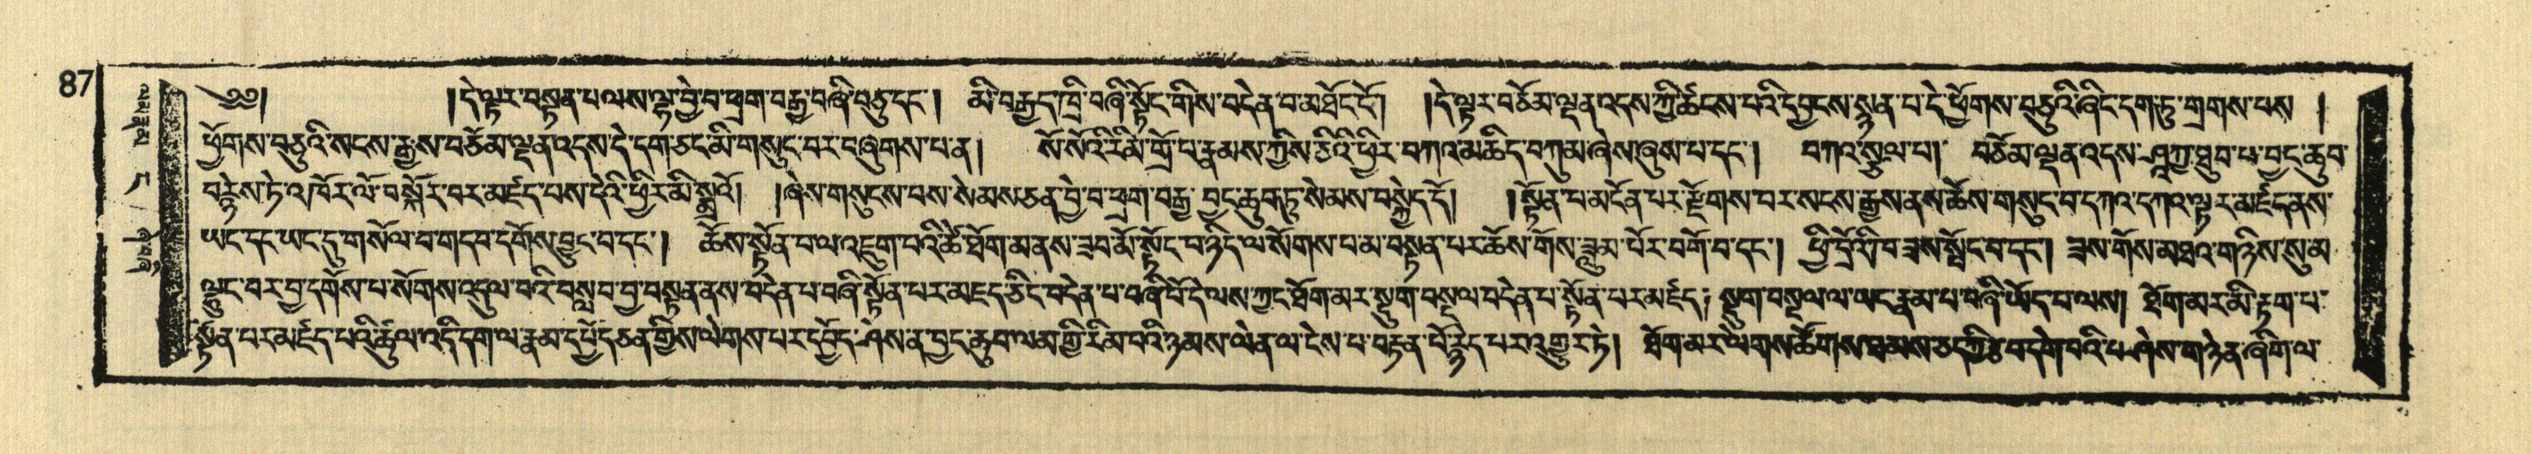༄༅། །དེ་ལྟར་བསྟན་པ་ལས་ལྷ་བྱེ་བ་ཕྲག་བརྒྱ་བཞི་བཅུ་དང་། མི་བརྒྱད་ཁྲི་བཞི་སྟོང་གིས་བདེན་བ་མཐོང་ངོ། །དེ་ལྟར་བཅོམ་ལྡན་འདས་ཀྱི་ཚངས་པའི་དབྱངས་སྙན་པ་དེ་ཕྱོགས་བཅུའི་ཞིང་དག་ཏུ་གྲགས་པས།
ཕྱོགས་བཅུའི་སངས་རྒྱས་བཅོམ་ལྡན་འདས་དེ་དག་ཅང་མི་གསུང་བར་བཞུགས་པ་ན། སོ་སོའི་རིམ་གྲོ་པ་རྣམས་ཀྱིས་ཅིའི་ཕྱིར་བཀའ་མཆིད་བཀུམ་ཞེས་ཞུས་པ་དང་། བཀའ་སྩལ་པ། བཅོམ་ལྡན་འདས་ཤཱཀྱ་ཐུབ་པ་བྱང་ཆུབ་
བརྙེས་ཏེ་འཁོར་ལོ་བསྐོར་བར་མཛད་པས་དེའི་ཕྱིར་མི་སྨྲའོ། །ཞེས་གསུངས་བས་སེམས་ཅན་བྱེ་བ་ཕྲག་བརྒྱ་བྱང་ཆུབ་ཏུ་སེམས་བསྐྱེད་དོ། །སྟོན་པ་མངོན་པར་རྫོགས་བར་སངས་རྒྱས་ནས་ཆོས་གསུང་བ་དཀའ་དཀའ་ལྟར་མཛད་ནས་
ཡང་དང་ཡང་དུ་གསོལ་བ་གདབ་དགོས་བྱུང་བ་དང་། ཆོས་སྟོན་བ་ལ་འཇུག་བའི་ཚེ་ཐོག་མ་ནས་ཟབ་མོ་སྟོང་བ་ཉིད་ལ་སོགས་པ་མ་བསྟན་པར་ཆོས་གོས་ཟླུམ་པོར་བགོ་བ་དང་། ཕྱི་དྲོའི་ཁ་ཟས་སྤོང་བ་དང་། ཟས་གོས་མཐའ་གཉིས་སུ་མ་
ལྷུང་བར་བྱ་དགོས་པ་སོགས་འདུལ་བའི་བསླབ་བྱ་བསྟན་ནས་བདེན་པ་བཞི་སྟོན་པར་མཛད་ཅིང་བདེན་པ་བཞི་པོ་དེ་ལས་ཀྱང་ཐོག་མར་སྡུག་བསྔལ་བདེན་པ་སྟོན་པར་མཛད། སྡུག་བསྔལ་ལ་ཡང་རྣམ་པ་བཞི་ཡོད་པ་ལས། ཐོག་མར་མི་རྟག་པ་
སྟོན་པར་མཛད་པའི་ཚུལ་འདི་དག་ལ་རྣམ་དཔྱོད་ཅན་གྱིས་ལེགས་པར་དཔྱོད་ཤེས་ན་བྱང་ཆུབ་ལམ་གྱི་རིམ་བའི་ཉམས་ལེན་ལ་ངེས་པ་བརྟེན་པོ་རྙེད་པར་འགྱུར་ཏེ། ཐོག་མར་ལེགས་ཚོགས་ཐམས་ཅད་ཀྱི་རྩ་བ་དགེ་བའི་པ་ཤེས་གཉེན་ཞིག་ལ་